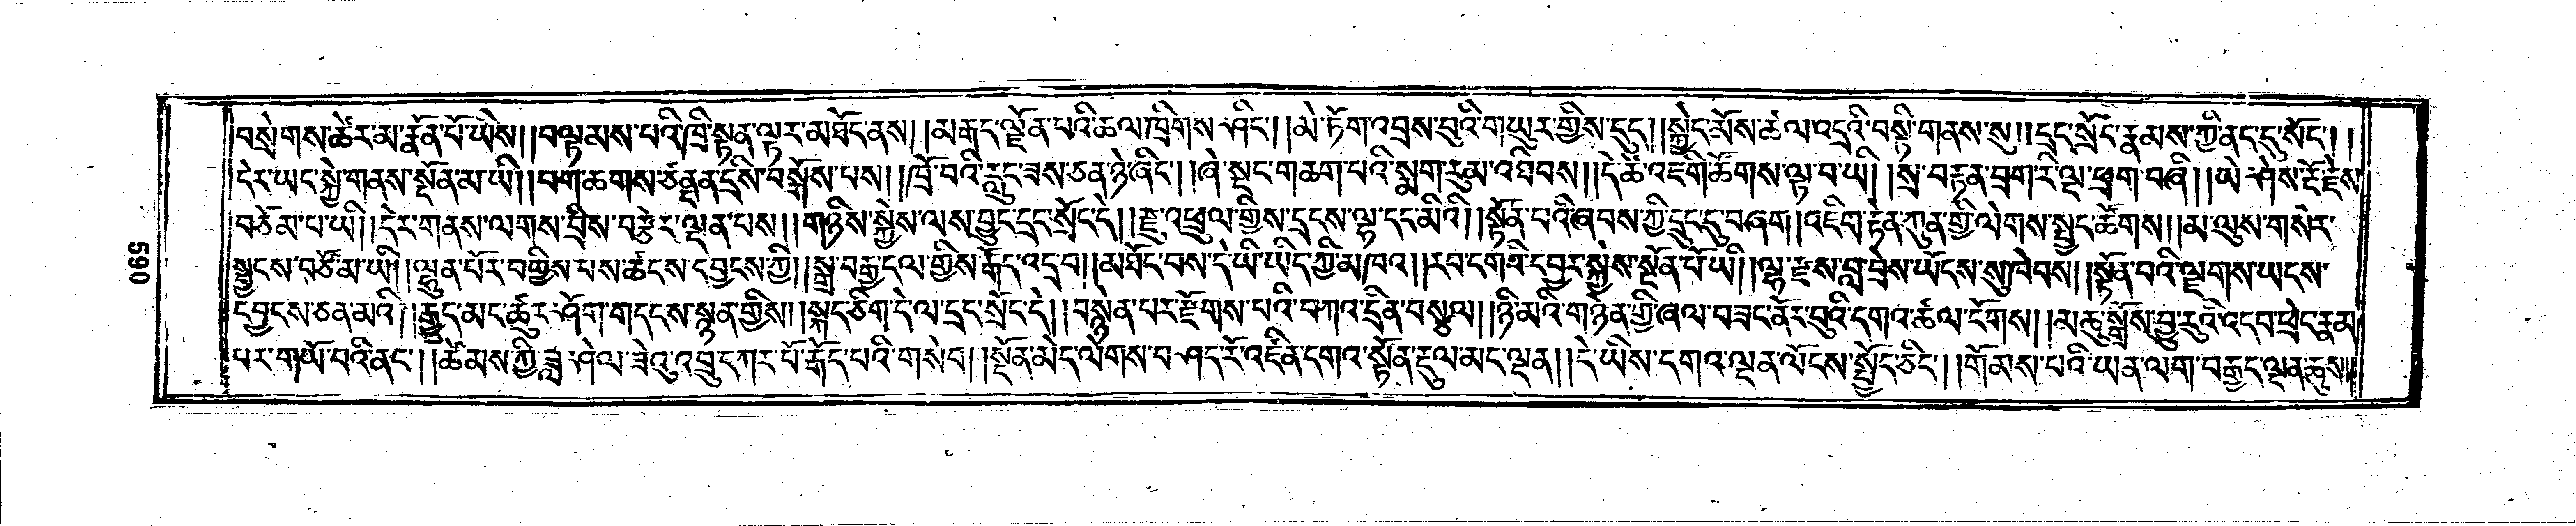བསྲེགས་ཚེར་མ་རྣོན་པོ་ཡིས། །བལྟམས་པའི་ཁྲི་སྟན་ལྟར་མཐོང་ནས། །མྲྒད་ལྗོན་པའི་ཆལ་ཁྲིགས་ཤིང་། །མེ་ཏོག་འབྲས་བུའི་གཡུར་གྱིས་དུད། །སྐྱེད་མོས་ཚལ་འདྲའི་བསྟི་གནས་སུ། །དྲང་སྲོང་རྣམས་ཀྱི་ནང་དུ་སོང་།
དེར་ཡང་སྐྱེ་གནས་སྔོན་མ་ཡི། །བག་ཆགས་ཙནྡན་དྲིས་བསྒོས་པས། །ཁྲོ་བའི་རླུང་ཟས་ཅན་ཉེ་ཞིང་། །ཞེ་སྡང་གནག་པའི་སྨག་རུམ་འཐིབས། །དེ་ཚེ་འཇིག་ཚོགས་ལྟ་བ་ཡི། །སྲ་བརྟན་བྲག་རི་ལྔ་ཕྲག་བཞི། །ཡེ་ཤེས་རྡོ་རྗེས་
བཅོམ་པ་ཡི། །དེར་གནས་ལགས་བྲིས་བརྩེར་ལྡན་པས། །གཉིས་སྐྱེས་ལས་བྱུང་དྲང་སྲོང་དེ། །རྫུ་འཕྲུལ་གྱིས་དྲངས་ལྷ་དང་མིའི། །སྟོན་པའི་ཞབས་ཀྱི་དྲུང་དུ་བཞག །འཇིག་རྟེན་ཀུན་གྱི་ལེགས་སྤྱད་ཚོགས། །མ་ལུས་གསེར་
སྦྱངས་བཙོ་མ་ཡི། །ལྷུན་པོར་བགྱིས་པས་ཚངས་དབྱངས་གྱི། །སྒྲ་བརྒྱ་དལ་གྱིས་རྒོད་འདྲ་བ། །མཐོང་བས་དེ་ཡི་ཡིད་ཀྱི་མཁའ། །རབ་དགའི་དབྱར་སྐྱེས་སྔོན་པོ་ཡི། །ལྷ་རྗེས་བླ་བྲེས་ཡོངས་སུ་ཁེབས། །སྟོན་པའི་ལྗགས་ཡངས་
དབྱངས་ཅན་མའི། །རྒྱུད་མང་ཚུར་ཤོག་མདངས་སྙན་གྱིས། །སྐད་ཅིག་དེ་ལ་དྲང་སྲོང་དེ། །བསྙེན་པར་རྫོགས་པའི་བཀའ་དྲིན་བསྩལ། །ཉི་མའི་གཉེན་གྱི་ཞལ་བཟང་ནོར་བུའི་དགའ་ཚལ་ངོགས། །མཆུ་སྒྲོས་བྱུ་རུའི་འདབ་ཕྲེང་རྣམ་
པར་གཡོ་བའི་ནང་། །ཚེམས་ཀྱི་ཟླ་ཤེལ་ཟེའུ་འབྲུ་དཀར་པོ་རྒོད་པའི་གསེབ། །སྔོན་མེད་ལེགས་བཤད་རོ་འཛིན་དགའ་སྟོན་རྡུལ་མང་ལྡན། །དེ་ཡིས་དགའ་ལྡན་ལོངས་སྤྱོད་ཅིང་། །གོམས་པའི་ཡན་ལག་བརྒྱད་ལྡན་ཆུས། །